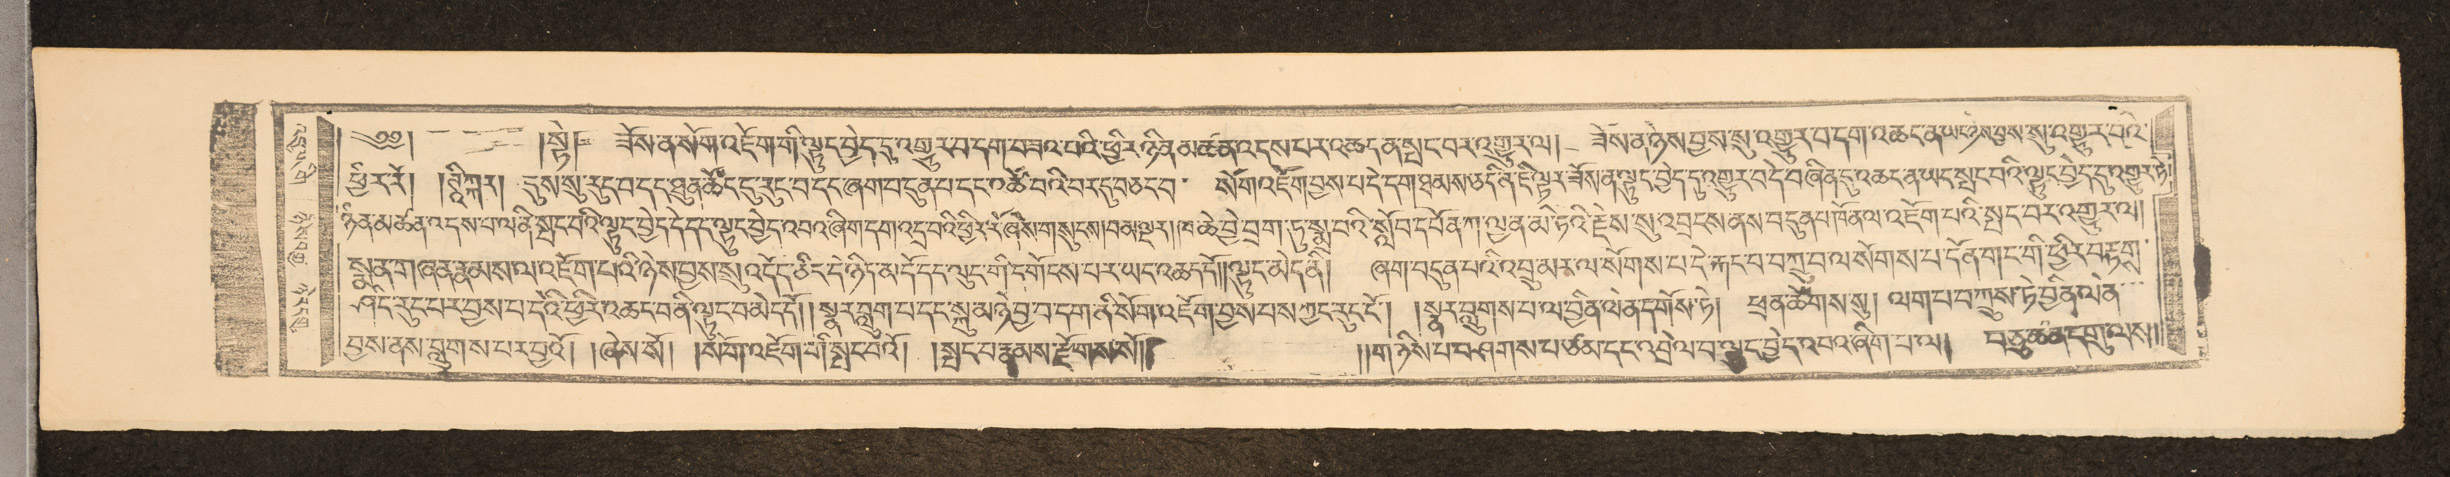༄༅། །སྟེ། ཟོས་ན་སོག་འཇོག་གི་ལྟུང་བྱེད་དུ་འགྱུར་བ་ངག་བཟའ་བའི་ཕྱིར་ཉིན་མཚན་འདས་པར་འཆད་ན་སྤང་བར་འགྱུར་ལ། ཟོས་ན་ཉེས་བྱས་སུ་འགྱུར་བ་དག་འཆང་ན་ཡང་ཉེས་བྱས་སུ་འགྱུར་བའི་
ཕྱིར་རོ། །ཊཱིཀྐར། དུས་སུ་རུང་བ་དང་ཐུན་ཚོང་དུ་རུང་བ་དང་ཞག་བདུན་པ་དང་འཚོ་བའི་བར་དུ་བཅང་བ་སོག་འཇོག་བྱས་པ་དེ་དག་ཐམས་ཅད་ནི་ཇི་ལྟར་ཟོས་ན་ལྟུང་བྱེད་དུ་འགྱུར་བ་དེ་བཞིན་དུ་འཆང་ན་ཡང་སྤང་པའི་ལྟུང་བྱེད་དུ་འགྱུར་ཏེ་
ཉིན་མཚན་འདས་པ་ལ་ནི་སྤང་བའི་ལྟུང་བྱེད་དེ་དང་ལྟུང་བྱེད་འབའ་ཞིག་དག་འདྲ་བའི་ཕྱིར་རོ་ཞེས་གསུངས། བམ་ལྔར། ཁ་ཆེ་བྱེ་བྲག་ཏུ་སྨྲ་བའི་སློབ་དཔོན་ཀ་ལྱ་ན་མི་ཏྲའི་རྗེས་སུ་འབྲངས་ནས་བདུན་པ་ཁོན་ལ་འཇོག་པའི་སྤང་བར་འགྱུར་ལ།
སྨན་གཞན་རྣམས་ལ་འཇོག་པའི་ཉེས་བྱས་སུ་འདོད་ཅིང་དེ་ཉིད་མངོ་ངང་ལུང་གི་དགོངས་པར་ཡང་འཆད་དོ། །ལྟུང་མེད་ནི། ཞག་བདུན་པའི་འབྲུ་མར་ལ་སོགས་པ་དེ་རྐང་པ་བཀྲུ་བ་ལ་སོགས་པ་དོན་གང་གི་ཕྱིར་བརྟགས་
ཤིང་རུང་བར་བྱས་པ་དེའི་ཕྱིར་འཆད་བ་ནི་ལྟུང་བ་མེད་དོ། །སྣར་བླུག་པ་དང་སྐུ་མཉེ་བྱ་བ་དག་ནི་སོག་འཇོག་བྱས་པས་ཀྱང་རུང་ངོ། །སྣར་བླུགས་པ་ལ་བྱིན་ལེན་དགོས་ཏེ། ཕྲན་ཚེགས་སུ། ལག་པ་བཀྲུས་ཏེ་བྱིན་ལེན་
བྱས་ནས་བླུགས་པར་བྱའོ། །ཞེས་སོ། །སོག་འཇོག་གི་སྦང་བའོ། །སྤང་བ་རྣམས་རྫོགས་སོ།། །།གཉིས་པ་བཤགས་པ་ཙམ་དང་འབྲེལ་བ་ལྟུང་བྱེད་འབའ་ཞིག་པ་ལ། བཅུ་ཚན་དགུ་ལས།